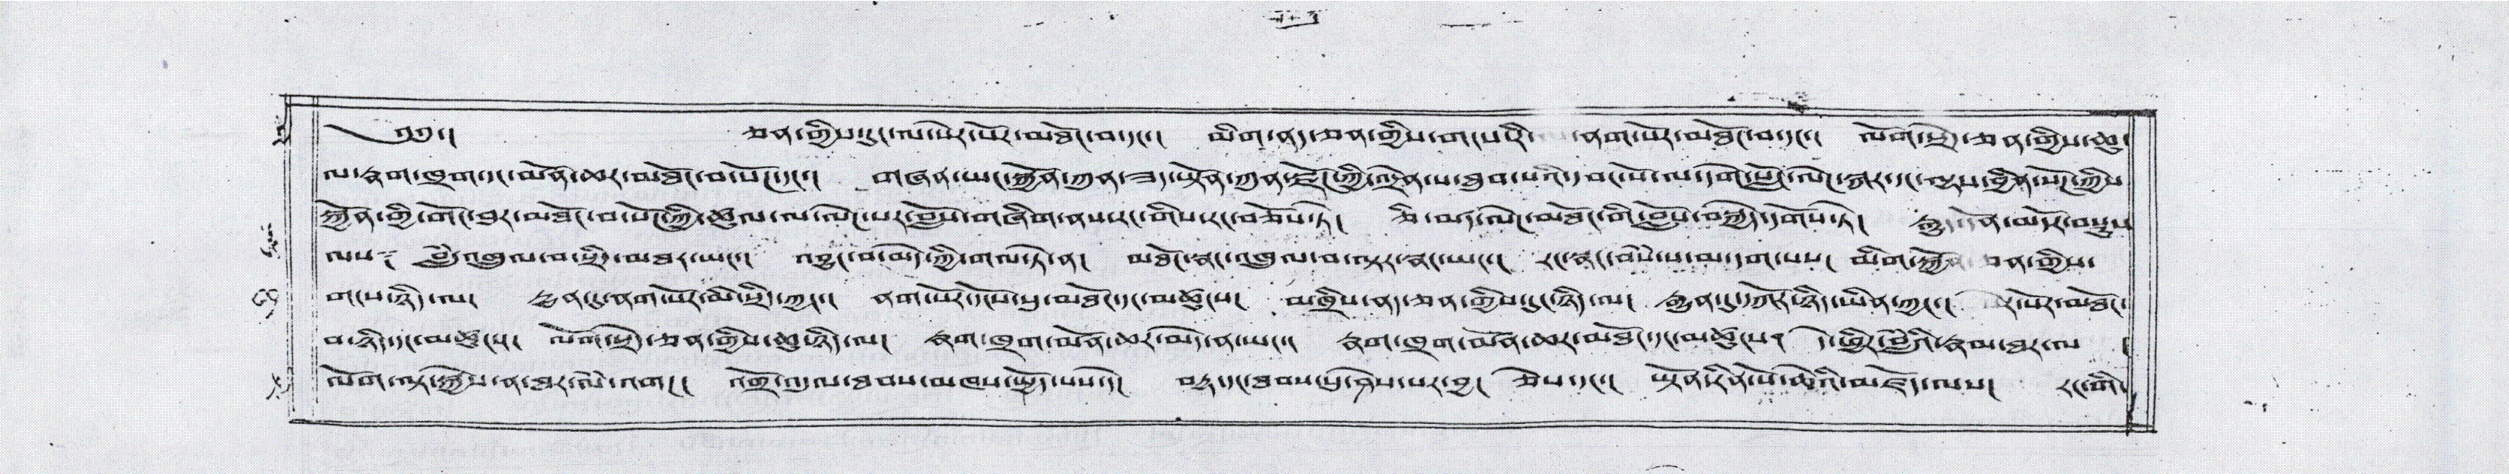ཅན་གྱིས་དུང་ལ་སེར་པོར་མཐོང་བ་དང་། མིག་ནད་ཅན་གྱིས་གངས་རི་ནག་པོར་མཐོང་བ་དང་། ལོག་སྡེ་ཅན་གྱིས་ཆུ་
ལ་རྣག་ཁྲག་དང་མཚོན་ཆར་མཐོང་བ་སོགས་དང་། གཞན་ཡང་སྐྱོན་ཀུན་ཟད་ཡོན་ཏན་ཀུན་རྫོགས་ཀྱི་འདྲེན་པ་ཐུབ་པའི་དབང་པོ་ལ་དགེ་སློང་ལེགས་སྐར་དང་ལྷས་བྱིན་སོགས་ཀྱིས་
སྐྱོན་གྱི་གོང་བུར་མཐོང་བ་སོགས་ཀྱི་ཚུལ་ལ་ལེགས་པར་བློས་གཞིགས་ནས་རང་གིས་རང་བཅོས་ཏེ། ཅི་མཛད་ལེགས་མཐོང་གི་བློས་བསྐྱེད་དགོས་ཏེ། རྒྱུད་དོན་མདོར་བསྡུས་
ལས། བླ་མ་འཁྲུལ་པ་སྲིད་མཐར་ཡང་། འབྱུང་བ་མེད་དེ་གལ་ཏེ་ན། མཐོང་སྣང་འཁྲུལ་པ་ལྟར་སྣང་ཡང་། རང་སྣང་བསམ་པ་མ་དག་པས། མིག་སྐྱོན་ཅན་གྱིས་
གངས་ཉིད་ལ། རྒྱུན་དུ་ནག་པོར་མི་སྲིད་ཀྱང་། ནག་པོར་དངོས་སུ་མཐོང་དང་མཚུངས། མཁྲིས་ནད་ཅན་གྱིས་དུང་ཉིད་ལ། རྒྱུན་དུ་དཀར་པོ་ཉིད་ཡིན་ཀྱང་། སེར་པོར་མཐོང་
བ་ཉིད་དང་མཚུངས། ལོག་སྲེད་ཅན་གྱིས་ཆུ་ཉིད་ལ། རྣག་ཁྲག་མཚོན་ཆར་མེད་ན་ཡང་། རྣག་ཁྲག་མཚོན་ཆར་མཐོང་དང་མཚུངས། དེ་ཕྱིར་བླ་མའི་རྣམ་ཐར་ལ། 
ལོག་ལྟ་སྐྱེས་ན་ཐར་ལམ་འགགས། འགྲོ་འདུལ་ཐབས་མཁས་སྤྱོད་པས་དེ། བརྡ་དང་ཐབས་སུ་ཤེས་པར་བྱ། ཅེས་དང་། ཡོན་ཏན་རིན་པོ་ཆེའི་མཛོད་ལས། རང་གི་